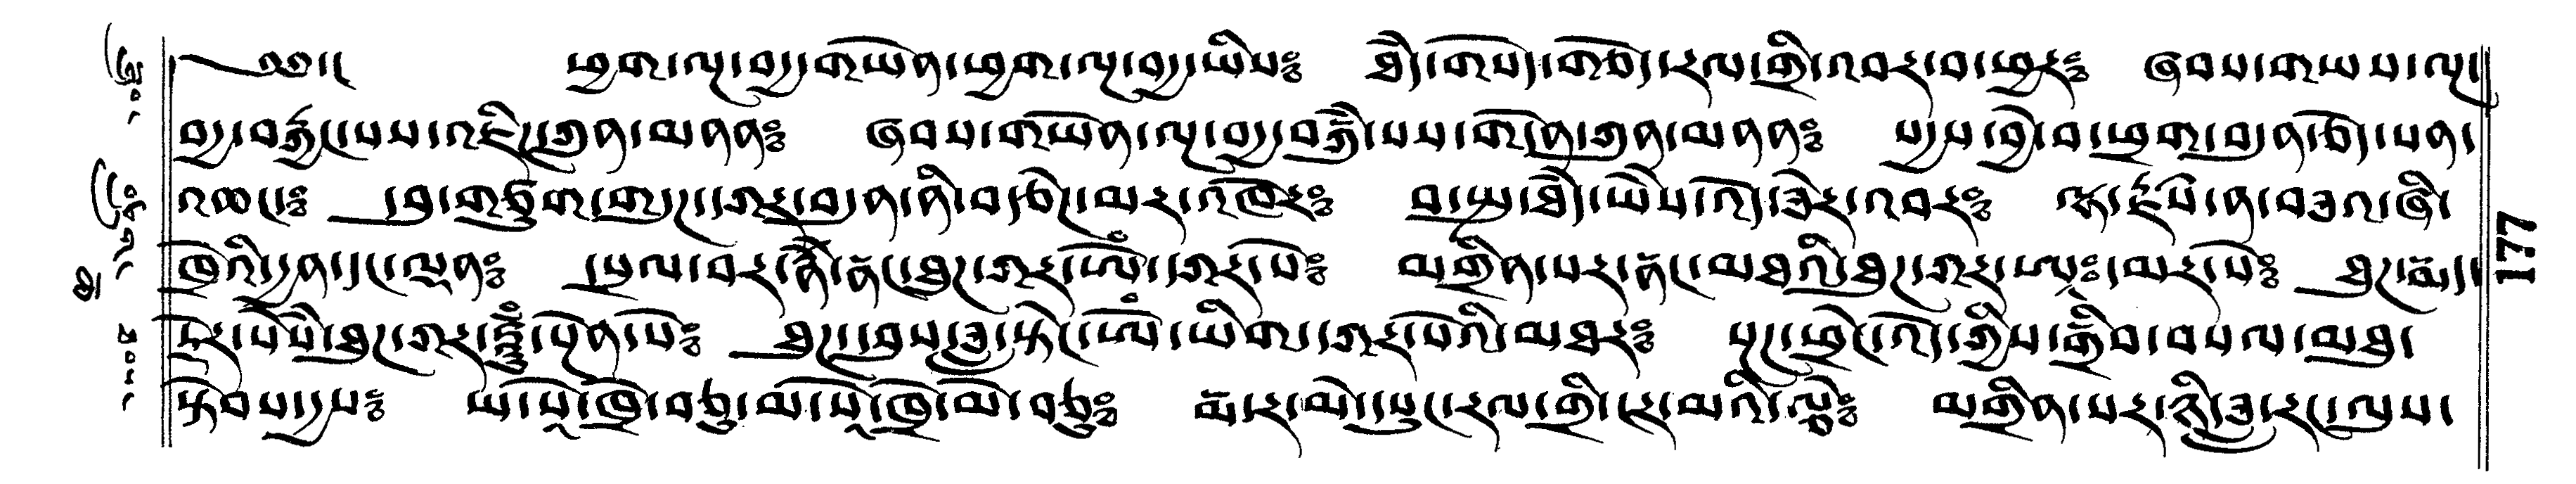ཕྱག་ལྔ་བརྒྱ་གཡོན་ཕྱག་ལྔ་བརྒྱ་ཡིས༔ ཐམས་ཅད་གསོད་གཅོད་རལ་གྲི་འབར་བ་ཕྱར༔ ཞབས་གཡས་ལྔ་
བརྒྱ་བརྐྱང་པས་འཇིགས་ཀུན་མནན༔ ཞབས་གཡོན་ལྔ་བརྒྱ་བསྐུམ་པས་གདོན་ཀུན་མནན༔ སངས་རྒྱས་བྱེ་བ་ཕྲག་བདུན་ཅོད་པན་a
འཆང༔ དབུ་གཙུག་གདུགས་ཀར་བདུན་ནི་བརྩེགས་མར་འཁོར༔ བ་སྤུ་ཐམས་ཅད་ཡེ་ཤེས་འོད་ཟེར་འབར༔ ལྷ་རྫས་ན་བཟའ་ཞི་
ཁྲོའི་རྒྱན་དང་ལྡན༔ དཔྲལ་བར་རྣམ་སྣང་ཐུགས་ཀར་ཨོཾ་དཀར་པོ༔ མགྲིན་པར་སྣང་མཐའི་ཐུགས་ཀར་ཨཱཿདམར་པོ༔ ཐུགས་སྨད་
རྡོར་སེམས་ཐུགས་ཀར་ཧཱུྃ་སྔོན་པོ༔ཐུགས་དབུས་ཟླ་སྟེང་ཨོཾ་ཡིག་དཀར་པོའི་མཐར༔ སྔགས་ཕྲེང་འོད་ཀྱིས་སྒྲིབ་བསལ་མཐུ་
སྟོབས་རྒྱས༔ ཡ་སོ་ཁྲོ་བཅུ་མ་སོ་ཁྲོ་མོ་བཅུ༔ སྨ་ར་མེ་དཔུང་རལ་གྲི་ངར་མའི་ལྕེ༔ མགྲིན་པར་ཉི་ཟླ་རང་ལུས་